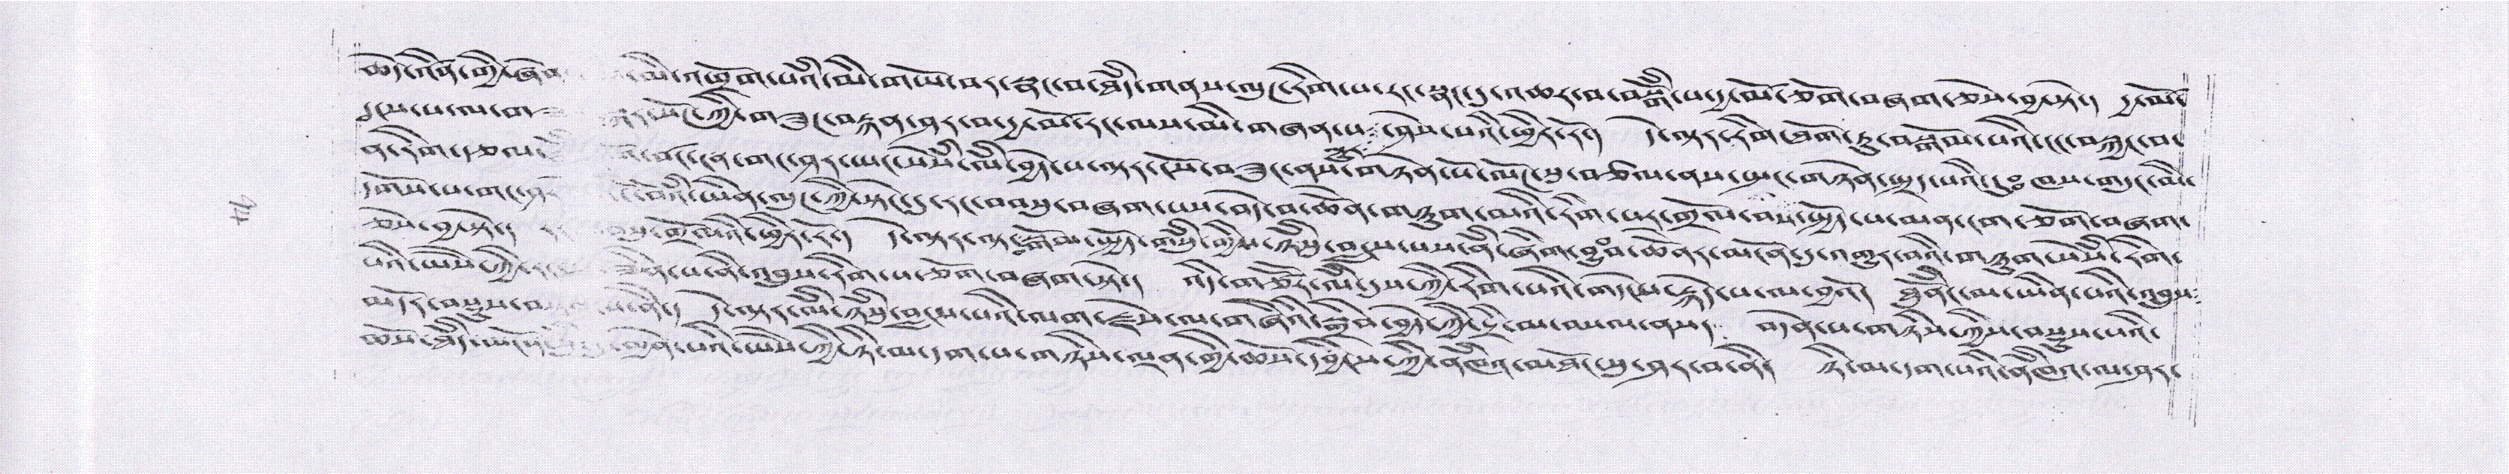ཆེད་འཛིན་གྱི་ཞེན་པས་མི་འཕྲོག་པའམ་མི་གཡོ་བར་སྣང་བ་ཐམས་ཅད་གནས་ལུགས་རིག་པ་རང་སྣང་དུ་འཆར་བ་སྒོམ་པ་རྒྱ་མཚོ་ཅོག་བཞག་ཅེས་བྱ་སྟེ། རྒྱ་མཚོ་
དྭངས་པ་ལ་གཟའ་སྐར་སོགས་ཀྱི་གཟུགས་བརྙན་ཤར་བ་རྒྱ་མཚོ་རང་ལས་མི་གཞན་པ་ཤེས་པ་ལྟ་བུར་ཤེས་པའི་ཕྱིར་རོ། དེ་ལྟར་རིག་ཐོག་ཏུ་བསྒོམ་པའི་ངང་བསྐྱངས་པ་
ན་རིག་རྩལ་ཉམས་རྟོགས་བཟང་ངན་གང་ཤར་ཡང་སེམས་ལམ་བྱེད་པ་ལྟར་ངོས་བཟུང་ནས་གཉེན་པོ་ལོགས་སུ་བཙལ་ནས་སྤང་གཉེན་སྤྲད་པའི་དུཿཁས་གདུང་མི་
དགོས་པར་གང་ཤར་༼༽ ངོ་བོ་འམ་ཡིན་ལུགས་ཀྱི་སྟེང་དུ་རང་བབས་སུ་བཞག་པས་བདེ་བ་ཆེན་པོ་གཉུག་མའི་རིག་པར་གྲོལ་བས་སྤྱོད་པ་མན་ངག་ཅོག་བཞག་
ཅེས་བྱ་སྟེ་རང་བབས་སུ་གྲོལ་བའི་ཕྱིར་རོ། དེ་ལྟར་ལྟ་སྒོམ་སྤྱོད་གསུམ་གྱིས་ཉམས་སུ་བླང་བས་ནམ་ཞིག་བྱང་ཆུབ་ཆེན་པོར་མངོན་དུ་འགྱུར་བའི་གཉུག་སེམས་རིག་
པའི་ཡེ་ཤེས་ཀྱི་རང་ས་ཟིན་པ་ནི་འབྲས་བུ་རིག་པ་ཅོག་བཞག་སྟེ། འདི་གཙོ་བོར་ལམ་དུས་ཀྱི་རིག་པའི་གདེང་རྙེད་པ་ལ་བྱའོ། ཐུན་མོང་མ་ཡིན་པའི་འབྲས་བུ་
མདོར་བསྡུས་པ་བསྟན་པ་ནི། དེ་ལྟར་ལམ་ཉམས་སུ་བླང་བའི་ལག་རྗེས་ལ་གཞིའི་སྒྲིབ་བྱེད་ཀྱི་དྲི་མ་བསལ་ནས། བདེན་པ་གཉིས་ཀྱིས་བསྡུས་པའི་
ཆོས་ཐམས་ཅད་མངོན་སུམ་དུ་མཁྱེན་པའི་ཡེ་ཤེས་ཀྱི་ཉི་མ་དག་པ་གཉིས་ལྡན་གྱི་ཆོས་དབྱིངས་ཀྱི་ནམ་མཁའི་མཐོངས་སུ་ཤར་བ་ནི། ཉི་མ་དག་པའི་ནམ་མཁའ་ལ་ཤར་